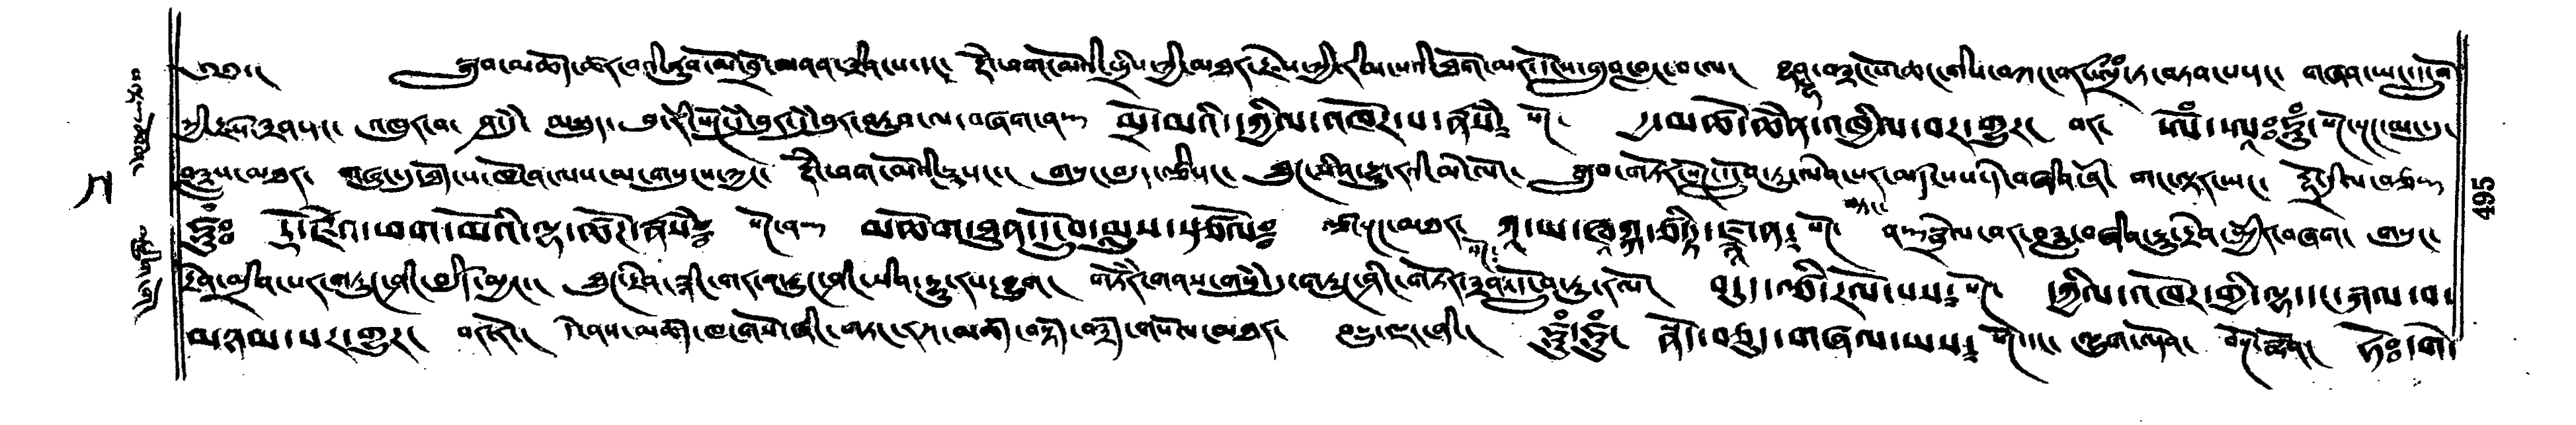སྒྲུབ་མཆོད་ཚར་བའི་ནུབ་མོ་བྲོ་མནན་ཟིན་པ་དང་། རྡོ་རྗེ་ཕག་མོའི་ཕྲིན་ལས་ཀྱི་མཐར་རྗེས་ཀྱི་རིམ་པའི་ཐོག་མར་དངོས་གྲུབ་བླང་བ་ལ། བྷནྡྷ་བཟང་པོ་ཆང་གིས་བཀང་བར་ཨ་མྲྀ་ཏ་བཏབ་པ་དང་། གཞན་ཡང་དངོས་གྲུབ་
ཀྱི་རྫས་ཟན་དང་། འཁུར་བ། ཤ་དུམ། མཐུད། བུ་རམ་སོགས་དུམ་བུར་གཏུབས་ལ་བཞག་ནས། མཁའ་འགྲོ་མའི་དཀྱིལ་འཁོར་པ་རྣམས༴ སོགས། རྒྱ་མཚོ་ཆེན་པོ་འཁྱིལ་བར་གྱུར༔ བར། ཨོཾ་ཨཱཿཧཱུྃ༔ སོགས་སྔགས་མང་དུ་
བཟླས་མཐར། གཞུང་དུ་ཐོད་པ་ཁོ་ན་ལས་མ་གསུངས་ཀྱང་། རྡོ་རྗེ་ཕག་མོའི་སྐུ་དང་། གསུང་བདུད་རྩི་དང་། ཐུགས་སིན་དྷུ་རའི་མེ་ལོང་། སྒྲུབ་གཏོར་སོགས་དངོས་གྲུབ་ཏུ་ལེན་པར་མཛད་པས་དེ་བཞིན་ནམ། གང་ལྟར་ཡང་། རྡོ་དྲིལ་བཅས། 
ཧཱུྃ༔ རྡོ་རྗེའི་ཕག་མོའི་ལྷ་ཚོགས་རྣམས༔ སོགས་ནས། མཆོག་ཐུན་དངོས་གྲུབ་མ་ལུས་སྩོལ༔ རྩ་སྔགས་མཐར། ཀཱ་ཡ་ཝཱཀྐ་ཙིཏྟ་ཛྙཱ་ན༴ སོགས་བཏང་ནས་སྦྲེལ་བར་བཟླ་བཞིན་སྐུ་རྟེན་སྤྱི་ལྟར་གཞག གསུང་
རྟེན་མགྲིན་པར་གཏུགས་ཤིང་བདུད་རྩི་མྱང་། ཐུགས་རྟེན་སྙིང་གར་གཏུགས་ཤིང་སིན་དྷུ་རས་བྱུག གཏོར་མ་གནས་གསུམ་དུ་གཏུགས་ཤིང་གཏོར་ཟན་སོགས་དངོས་གྲུབ་ཏུ་རོལ།བདུད་རྩི་རོལ་པས༴ སོགས། དཀྱིལ་འཁོར་གྱི་ལྷ་དང་སྐལ་བ་
མཉམ་པར་གྱུར༔ བར་རོ། དེ་ནས་མཆོད་ཁ་གསོ་ཞིང་གཏང་རཀ་མཆོད་བསྟོད་བཟོད་གསོལ་མཐར། བསྡུ་ལྡང་ནི། ཧཱུྃ་ཧཱུྃ༔ སྣོད་བཅུད་གཞལ་ཡས༴ སོགས་དང་། ལྷུག་འདོན། བསྔོ་སྨོན། ཧོ༔ དགེ་༽